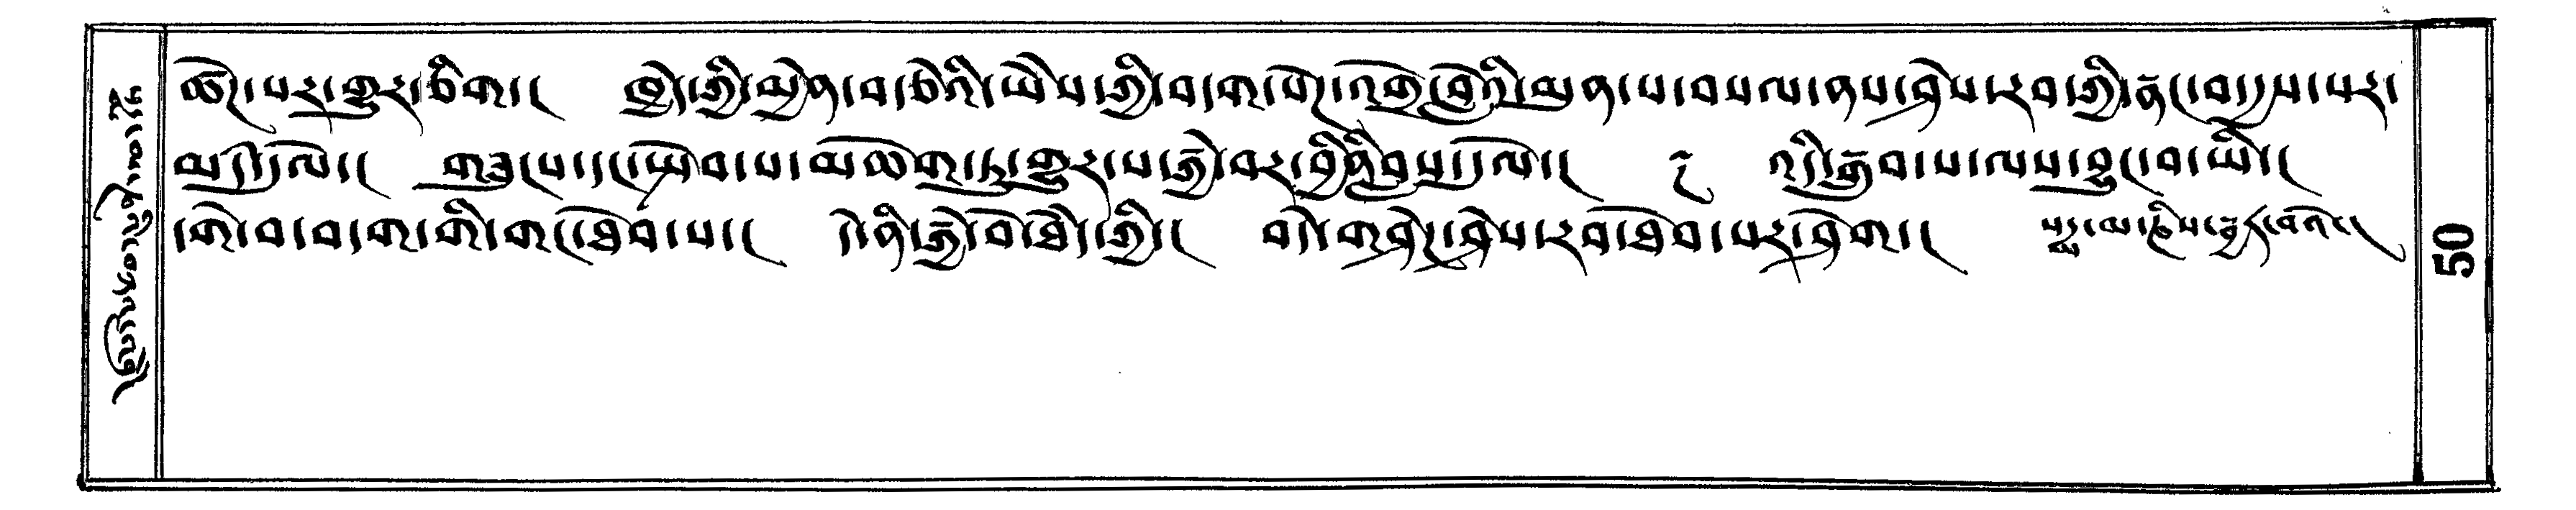ཚོགས་པར་གྱུར་ཅིག ཁྱེད་ཀྱི་མཁྱེན་བརྩེའི་ཡེ་ཤེས་ཀྱིས་བདག་སོགས་འགྲོ་བློའི་མུན་པ་བསལ་ནས་ཤེས་རབ་ཀྱི་སྣང་བ་རྒྱས་པར་
མཛད་དུ་གསོལ། གཟུངས་དང་སྤོབ་པ་མཆོག་ཏུ་གྱུར་པ་སྐྱེ་བར་བྱིན་གྱི་བརླབ་ཏུ་གསོལ། ༈ འདི་བསྒྲུབས་པ་ལས་བྱུང་བ་ཡི། །
དགེ་བ་བདག་གི་གང་ཐོབ་པ། །དེས་ནི་སྐྱེ་བོ་ཐམས་ཅད་ཀྱི། །བདེ་གཤེགས་ཤེས་རབ་ཐོབ་པར་ཤོག། པདྨ་མ་ཎིས་སྦྱར་བའོ།།